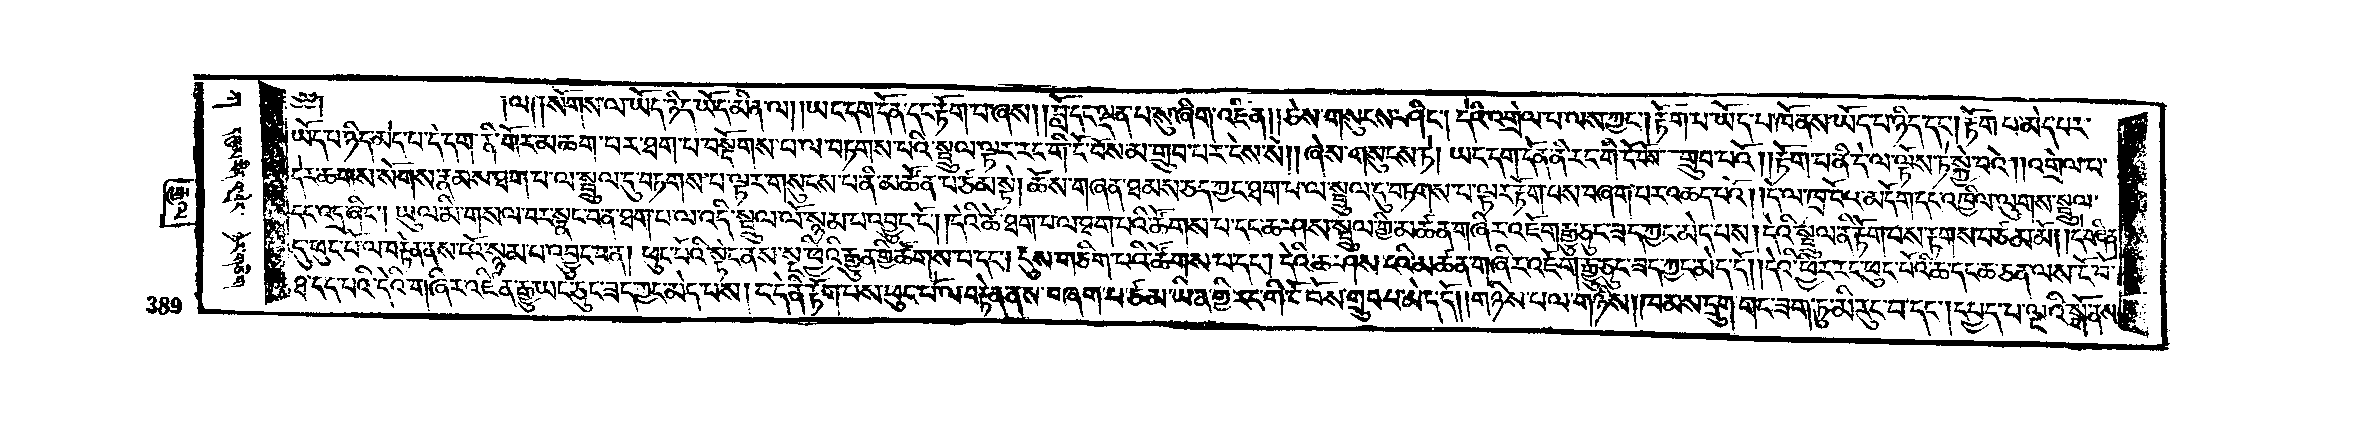༄༅། །ལ། །སོགས་ལ་ཡོད་ཉིད་ཡོད་མིན་ལ། །ཡང་དག་དོན་དང་རྟོག་པ་ཞས། །བློ་དང་ལྡན་པ་སུ་ཞིག་འཛིན། །ཅེས་གསུངས་ཤིང་། དེའི་འགྲེལ་པ་ལས་ཀྱང་། རྟོག་པ་ཡོད་པ་ཁོ་ནས་ཡོད་པ་ཉིད་དང་། རྟོག་པ་མེད་པར་
ཡོད་པ་ཉིད་མེད་པ་དེ་དག་ནི་གོར་མ་ཆག་པར་ཐག་པ་བསྡོགས་པ་ལ་བཏགས་པའི་སྤྲུལ་ལྟར་རང་གི་ངོ་བོས་མ་གྲུབ་པར་ངེས་སོ། །ཞེས་གསུངས་ཏེ། ཡང་དག་དོན་ནི་རང་གི་ངོ་བོས་གྲུབ་པའོ། །རྟོག་པ་ནི་དེ་ལ་ལྟོས་ཏེ་སྐྱེ་བའོ། །འགྲེལ་པ་
དེར་ཆགས་སོགས་རྣམས་ཐག་པ་ལ་སྤྲུལ་དུ་བཏགས་པ་ལྟར་གསུངས་པ་ནི་མཚོན་པ་ཙམ་སྟེ། ཆོས་གཞན་ཐམས་ཅད་ཀྱང་ཐག་པ་ལ་སྤྲུལ་དུ་བཏགས་པ་ལྟར་རྟོག་པས་བཞག་པར་འཆད་པའོ། །དེ་ལ་ཁྲ་བོའི་མདོག་དང་འཁྱིལ་ལུགས་སྤྲུལ་
དང་འདྲ་ཞིང་། ཡུལ་མི་གསལ་བར་སྣང་བ་ན་ཐག་པ་ལ་འདི་སྤྲུལ་ལོ་སྙམ་པ་འབྱུང་ངོ། །དེའི་ཚེ་ཐག་པ་ལ་ཐག་པའི་ཚོགས་པ་དང་ཆ་ཤས་སྤྲུལ་གྱི་མཚན་གཞིར་འཇོག་རྒྱུ་ཅུང་ཟད་ཀྱང་མེད་པས། དེའི་སྤྲུལ་ནི་རྟོག་པས་རྟགས་པ་ཙམ་མོ། །དེ་བཞིན་
དུ་ཕུང་པོ་ལ་བརྟེན་ནས་ངའོ་སྙམ་པ་འབྱུང་བ་ན། ཕུང་པོའི་སྟེང་ནས་སྔ་ཕྱིའི་རྒྱུན་གྱི་ཚོགས་པ་དང་། དུས་གཅིག་པའི་ཚོགས་པ་དང་། དེའི་ཆ་ཤས་ངའི་མཚན་གཞིར་འཇིག་རྒྱུ་ཅུང་ཟད་ཀྱང་མེད་དོ། །དེའི་ཕྱིར་རང་ཕུང་པོའི་ཆ་དང་ཆ་ཅན་ལས་ངོ་བོ་
ཐ་དད་པའི་དེའི་གཞིར་འཛིན་རྒྱུ་ཡང་ཅུང་ཟད་ཀྱང་མེད་པས། ང་དེ་ནི་རྟོག་པས་ཕུང་པོ་ལ་བརྟེན་ནས་བཞག་པ་ཙམ་ཡིན་གྱི་རང་གི་ངོ་བོས་གྲུབ་པ་མེད་དོ། །གཉིས་པ་ལ་གཉིས། ཁམས་དྲུག་གང་ཟག་ཏུ་མི་རུང་བ་དང་། དཔྱད་པ་ལྔའི་སྒོ་ནས་